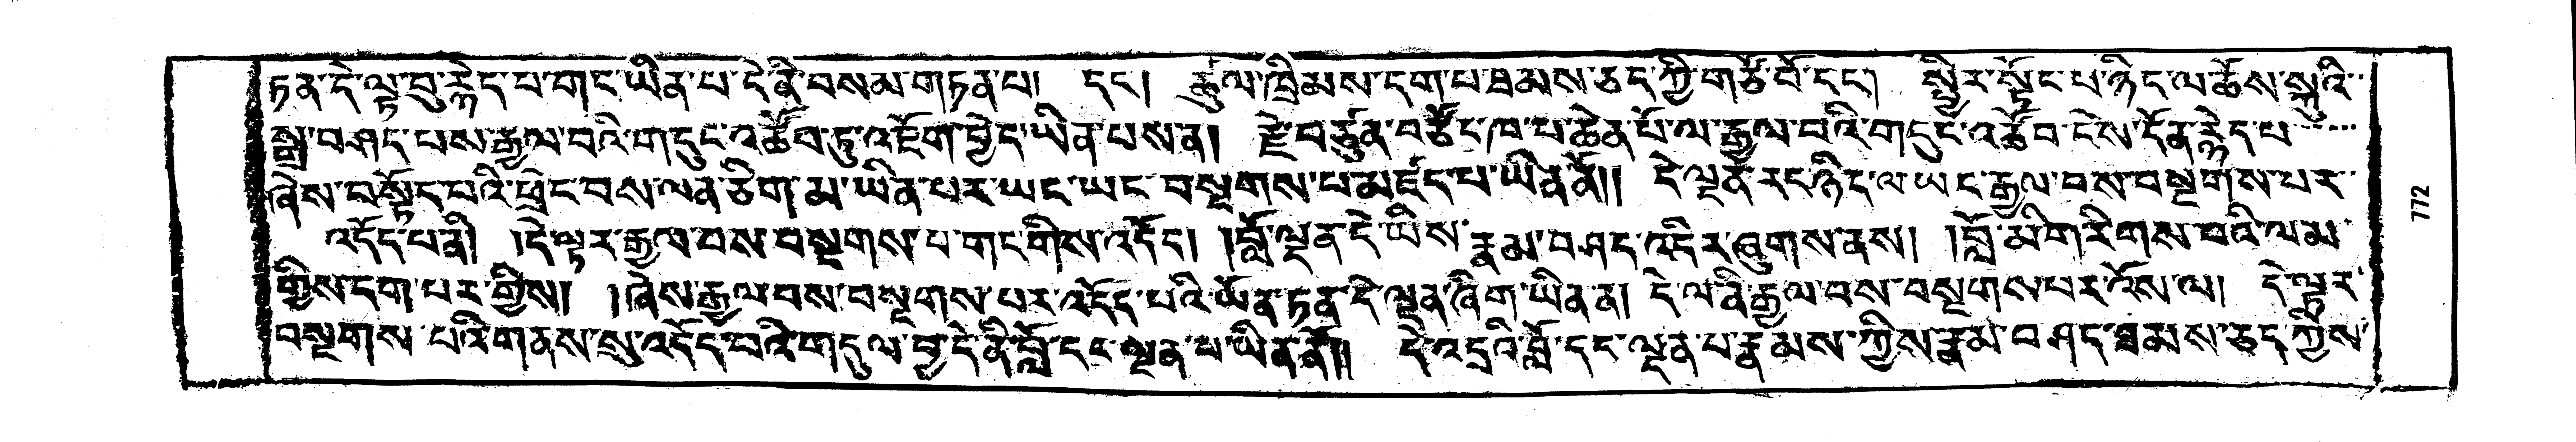ཏན་དེ་ལྟ་བུ་རྙེད་པ་གང་ཡིན་པ་དེ་ནི་བསམ་གཏན་པ། དང་། ཚུལ་ཁྲིམས་དག་པ་ཐམས་ཅད་ཀྱི་གཙོ་བོ་དང་། སྤྱིར་སྟོང་པ་ཉིད་ལ་ཆོས་སྐུའི་
སྒྲ་བཤད་པས་རྒྱལ་བའི་གདུང་འཚོབ་ཏུ་འཇོག་བྱེད་ཡིན་པས་ན། རྗེ་བཙུན་བཙོང་ཁ་པ་ཆེན་པོ་ལ་རྒྱལ་བའི་གདུང་འཚོབ་ངེས་དོན་རྙེད་པ་
ཞེས་བསྟོད་པའི་ཕྲེང་བས་ལན་ཅིག་མ་ཡིན་པར་ཡང་ཡང་བསྔགས་པ་མཛད་པ་ཡིན་ནོ།། དེ་ལྡན་རང་ཉིད་ལ་ཡང་རྒྱལ་བས་བསྔགས་པར་
འདོད་པ་ནི། །དེ་ལྟར་རྒྱལ་བས་བསྔགས་པ་གང་གིས་འདོད། །བློ་ལྡན་དེ་ཡིས་རྣམ་བཤད་འདིར་ཞུགས་ནས། །བློ་མིག་རིགས་པའི་ལམ་
གྱིས་དག་པར་གྱིས། །ཞེས་རྒྱལ་བས་བསྔགས་པར་འདོད་པའི་ཡོན་ཏན་དེ་ལྡན་ཞིག་ཡིན་ན། དེ་ལ་ནི་རྒྱལ་བས་བསྔགས་པར་འོས་ལ། དེ་ལྟར་
བསྔགས་པའི་གནས་སུ་འདོད་པའི་གདུལ་བྱ་དེ་ནི་བློ་དང་ལྡན་པ་ཡིན་ནོ།། དེ་འདྲའི་བློ་དང་ལྡན་པ་རྣམས་ཀྱིས་རྣམ་བཤད་ཐམས་ཅད་ཀྱིས་